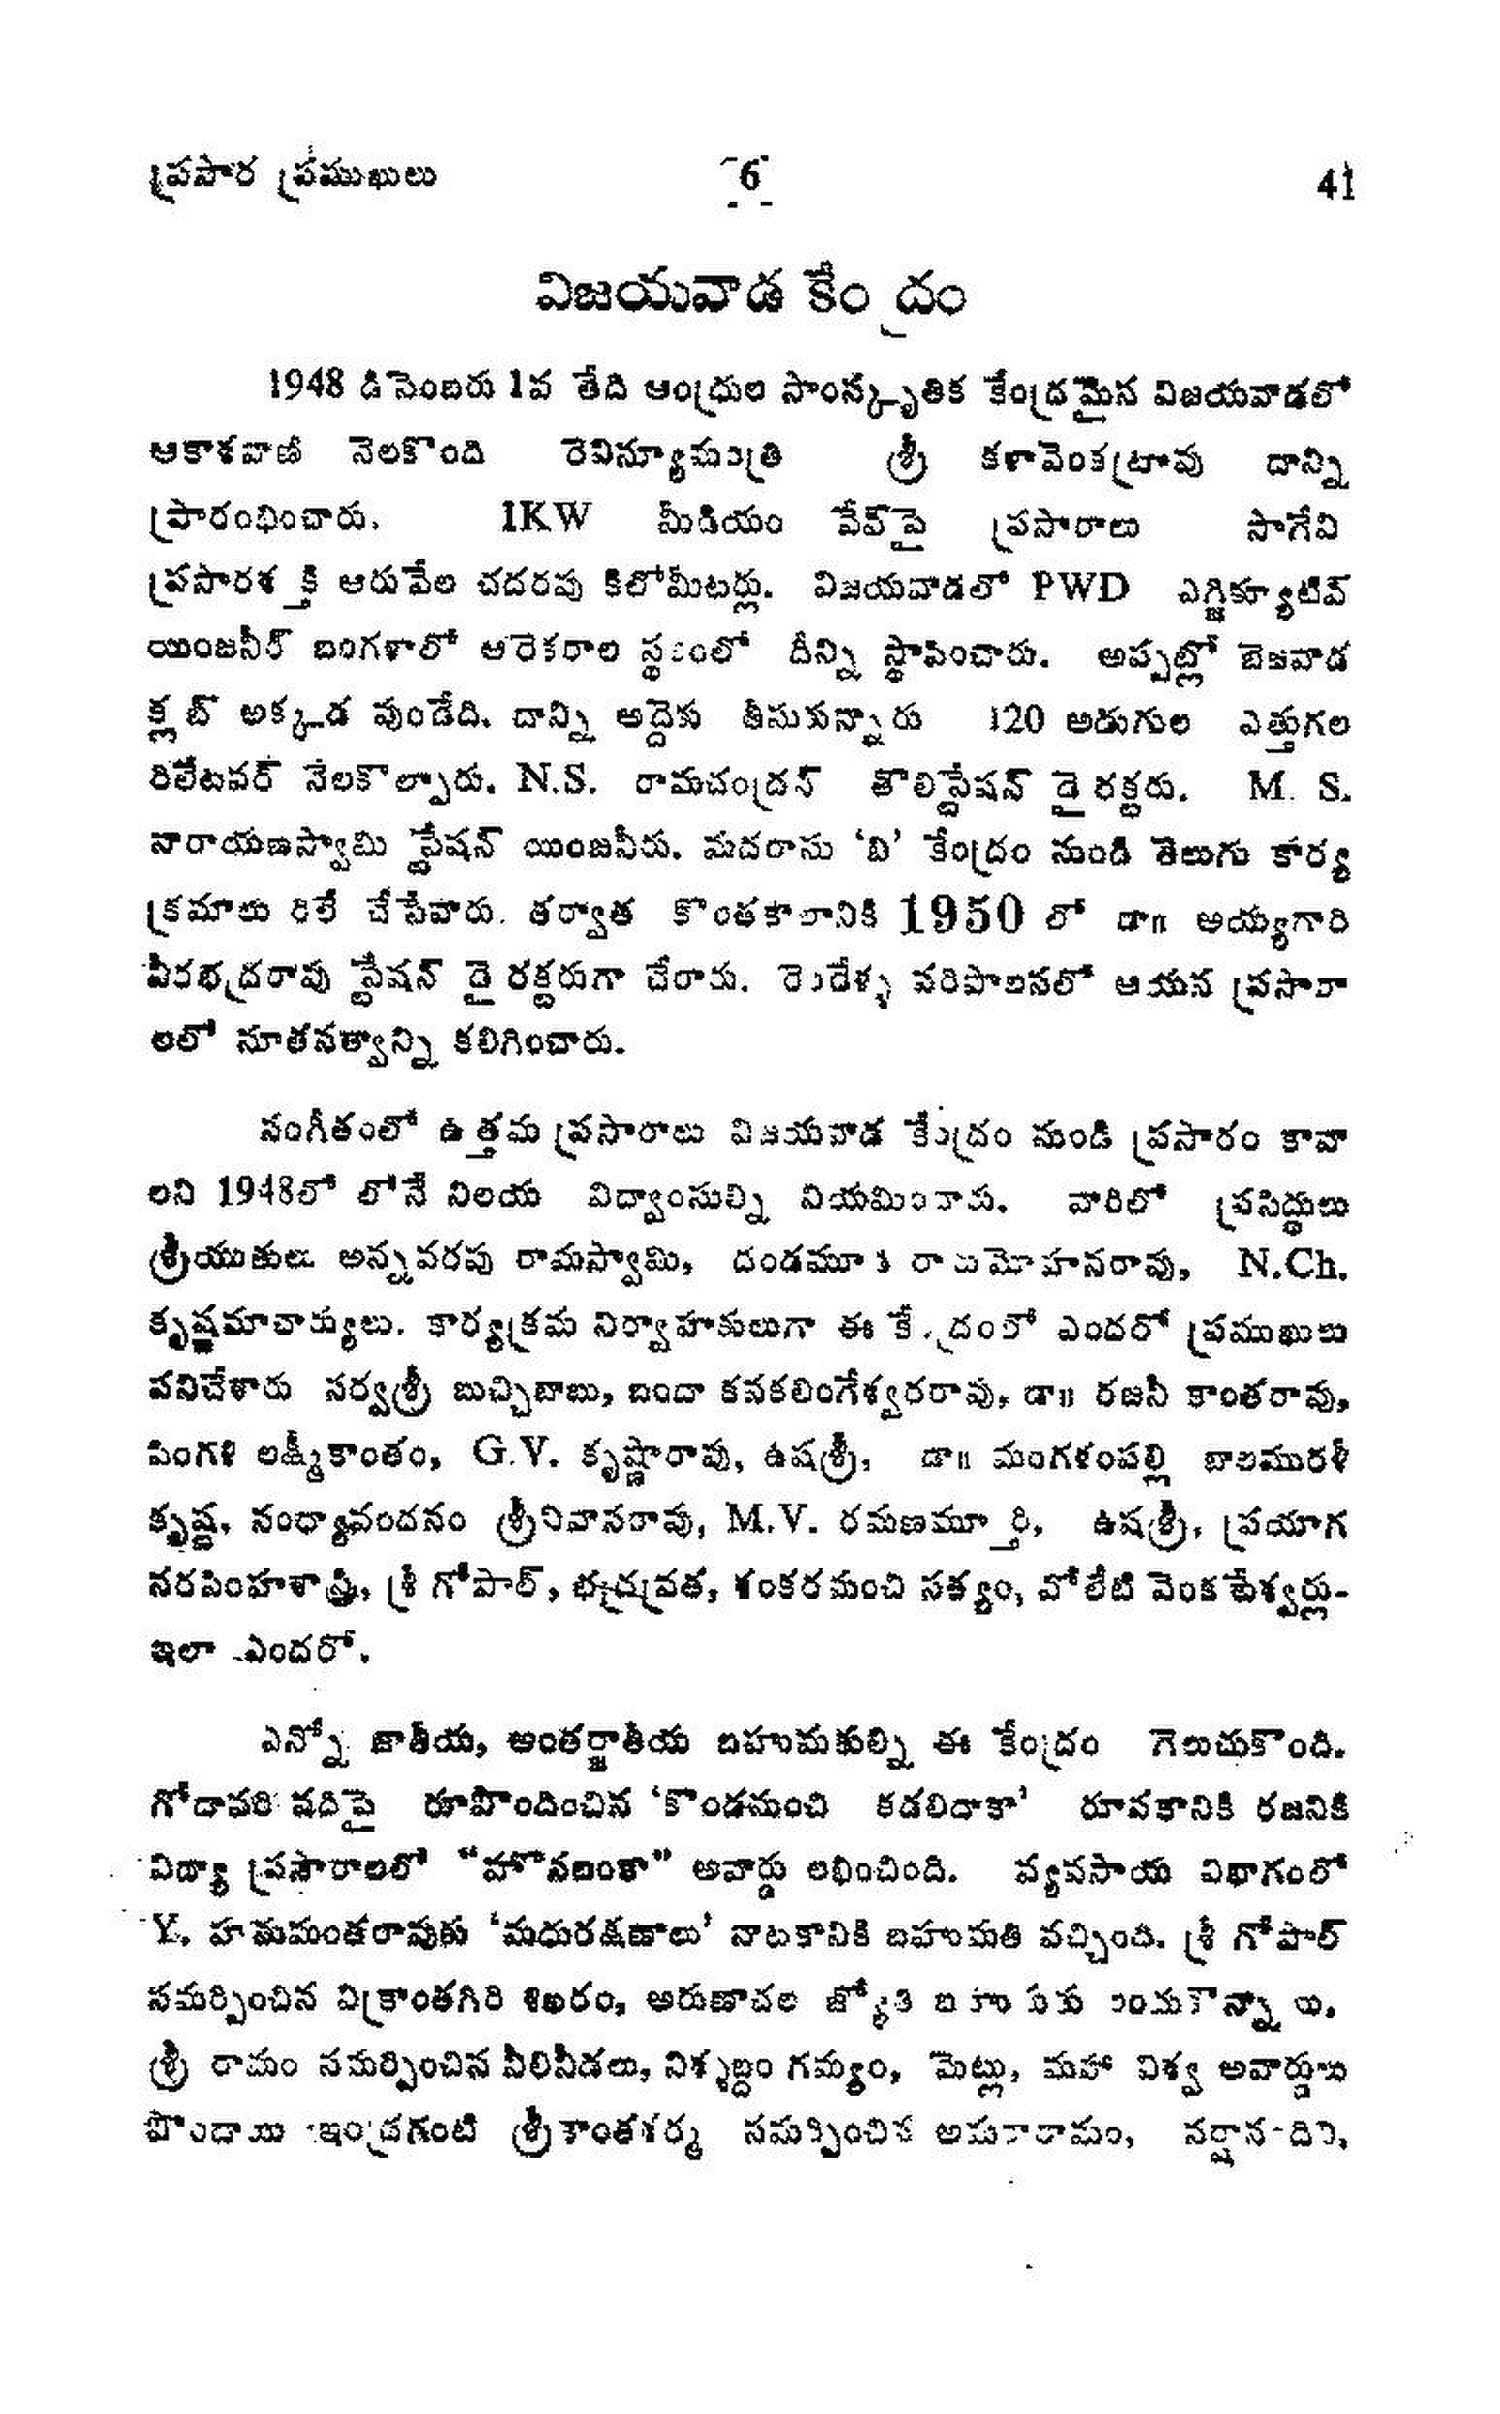1948 డిసెంబరు 1వ తేది ఆంధ్రుల సాంస్కృతిక కేంద్రమైన విజయవాడలో ఆకాశవాణి నెలకొంది. రెవిన్యూమంత్రి శ్రీ కళా వెంకట్రావు దాన్ని ప్రారంభించారు. 1 KW మీడియం వేవ్ పై ప్రసారాలు సాగేవి. ప్రసారశక్తి ఆరువేల చదరపు కిలోమీటర్లు. విజయవాడలో PWD ఎగ్జిక్యూటివ్ యింజనీర్ బంగళాలో ఆరెకరాల స్థలంలో దీన్ని స్థాపించారు. అప్పట్లో బెజవాడ క్లబ్ అక్కడ వుండేది. దాన్ని అద్దెకు తీసుకున్నారు. 120 అడుగుల ఎత్తుగల రిలే టవర్ నెలకొల్పారు. N. S. రామచంద్రన్ తొలి స్టేషన్ డైరక్టరు. M. S. నారాయణస్వామి స్టేషన్ యింజనీరు. మదరాసు ' బి ' కేంద్రం నుండి తెలుగు కార్యక్రమాలు రిలే చేసేవారు. తర్వాత కొంతకాలానికి 1950 లో డా. అయ్యగారి వీరభద్రరావు స్టేషన్ డైరక్టరుగా చేరారు. రెండేళ్ళ పరిపాలనలో ఆయన ప్రసారాలలో నూతనత్వాన్ని కలిగించారు.

సంగీతంలో ఉత్తమ ప్రసారాలు విజయవాడ కేంద్రం నుండి ప్రసారం కావాలని 1948లోనే నిలయ విద్వాంసుల్ని నియమించారు. వారిలో ప్రసిద్ధులు శ్రీయుతులు అన్నవరపు రామస్వామి, దండమూడి రామమోహనరావు, N. Ch. కృష్ణమాచార్యులు. కార్యక్రమ నిర్వాహకులుగా ఈ కేంద్రంలో ఎందరో ప్రముఖులు పనిచేశారు. సర్వశ్రీ బుచ్చిబాబు, బందా కనకలింగేశ్వరరావు, డా. రజనీ కాంతరావు, పింగళి లక్ష్మీకాంతం, G. V. కృష్ణారావు, ఉషశ్రీ, డా. మంగళంపల్లి బాలమురళీకృష్ణ, సంధ్యావందనం శ్రీనివాసరావు, M. V. రమణమూర్తి, ఉషశ్రీ, ప్రయాగ నరసింహశాస్త్రి, శ్రీ గోపాల్, భద్రవ్రత, శంకరమంచి సత్యం, వోలేటి వెంకటేశ్వర్లు - ఇలా ఎందరో.

ఎన్నో జాతీయ, అంతర్జాతీయ బహుమతుల్ని ఈ కేంద్రం గెలుచుకొంది. గోదావరి నదిపై రూపొందించిన ' కొండ నుండి కడలి దాకా ' రూపకానికి రజనికి విద్యా ప్రసారాలలో "హోనబంకా" అవార్డు లభించింది. వ్యవసాయ విభాగంలో Y. హనుమంతరావుకు ' మధురక్షణాలు ' నాటకానికి బహుమతి వచ్చింది. శ్రీ గోపాల్ సమర్పించిన విక్రాంతగిరి శిఖరం, అరుణాచల జ్యోతి బహుమతులందుకొన్నాయి. శ్రీ రామం సమర్పించిన నీలినీడలు, నిశ్శబ్దం గమ్యం, మెట్లు, మహా విశ్వ అవార్డులు పొందాయి. ఇంద్రగంటి శ్రీకాంతశర్మ సమర్పించిన అమరారామం, వర్షానందిని,